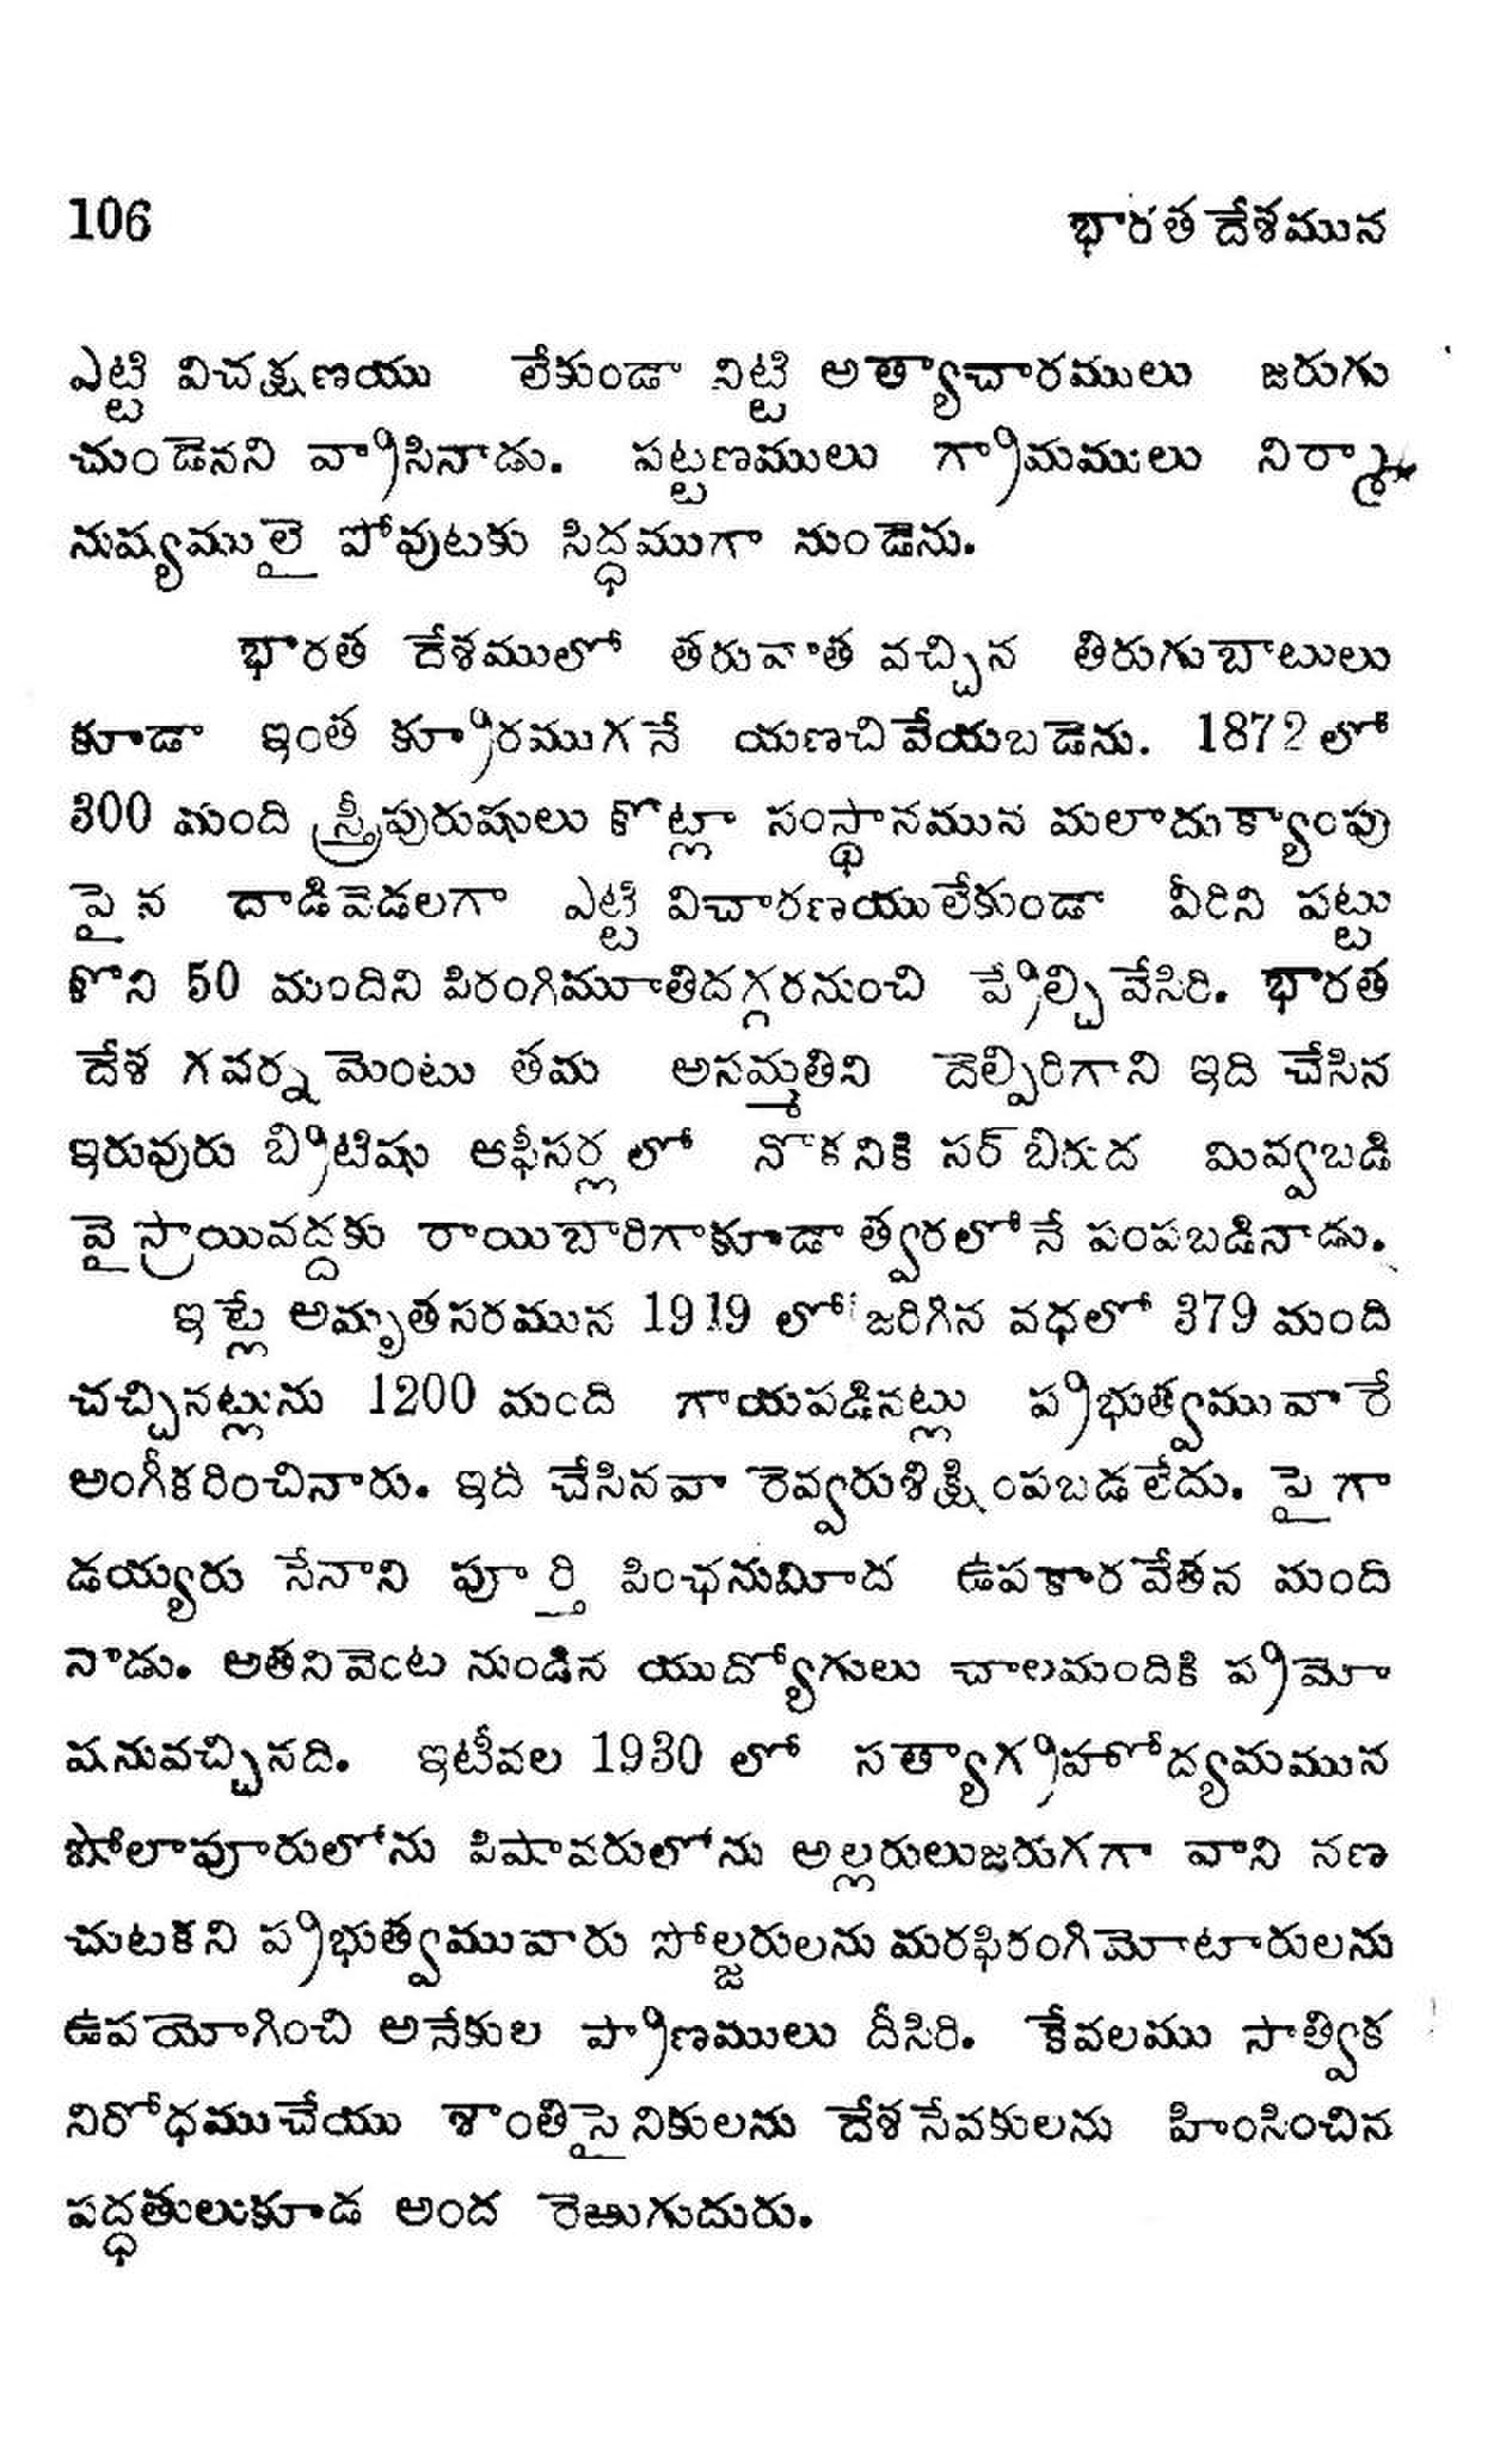ఎట్టి విచక్షణయు లేకుండా నిట్టి అత్యాచారములు జరుగుచుండెనని వ్రాసినాడు. పట్టణములు గ్రామములు నిర్మానుష్యములై పోవుటకు సిద్ధముగా నుండెను.

భారత దేశములో తరువాత వచ్చిన తిరుగుబాటులు కూడా ఇంత క్రూరముగనే యణచివేయబడెను. 1872 లో 300 మంది స్త్రీపురుషులు కొట్లా సంస్థానమున మలాదుక్యాంపుపైన దాడివెడలగా ఎట్టి విచారణయులేకుండా వీరిని పట్టుకొని 50 మందిని పిరంగిమూతిదగ్గరనుంచి ప్రేల్చివేసిరి. భారతదేశ గవర్నమెంటు తమ అసమ్మతిని దెల్పిరిగాని ఇది చేసిన ఇరువురు బ్రిటిషు ఆఫీసర్లలో నొకనికి సర్ బిగుద మివ్వబడి వైస్రాయివద్దకు రాయిబారిగాకూడా త్వరలోనే పంపబడినాడు.

ఇట్లే అమృతసరమున 1919 లో జరిగిన వధలో 379 మంది చచ్చినట్లును 1200 మంది గాయపడినట్లు ప్రభుత్వమువారే అంగీకరించినారు. ఇది చేసినవా రెవ్వరుశిక్షింపబడలేదు. పైగా డయ్యరు సేనాని పూర్తి పింఛనుమీద ఉపకారవేతన మందినాడు. అతనివెంట నుండిన యుద్యోగులు చాలమందికి ప్రమోషనువచ్చినది. ఇటీవల 1930 లో సత్యాగ్రహోద్యమమున షోలాపూరులోను పిషావరులోను అల్లరులుజరుగగా వాని నణచుటకని ప్రభుత్వమువారు సోల్జరులను మరఫిరంగిమోటారులను ఉపయోగించి అనేకుల ప్రాణములు దీసిరి. కేవలము సాత్విక నిరోధముచేయు శాంతిసైనికులను దేశసేవకులను హింసించిన పద్దతులుకూడ అంద రెఱుగుదురు.